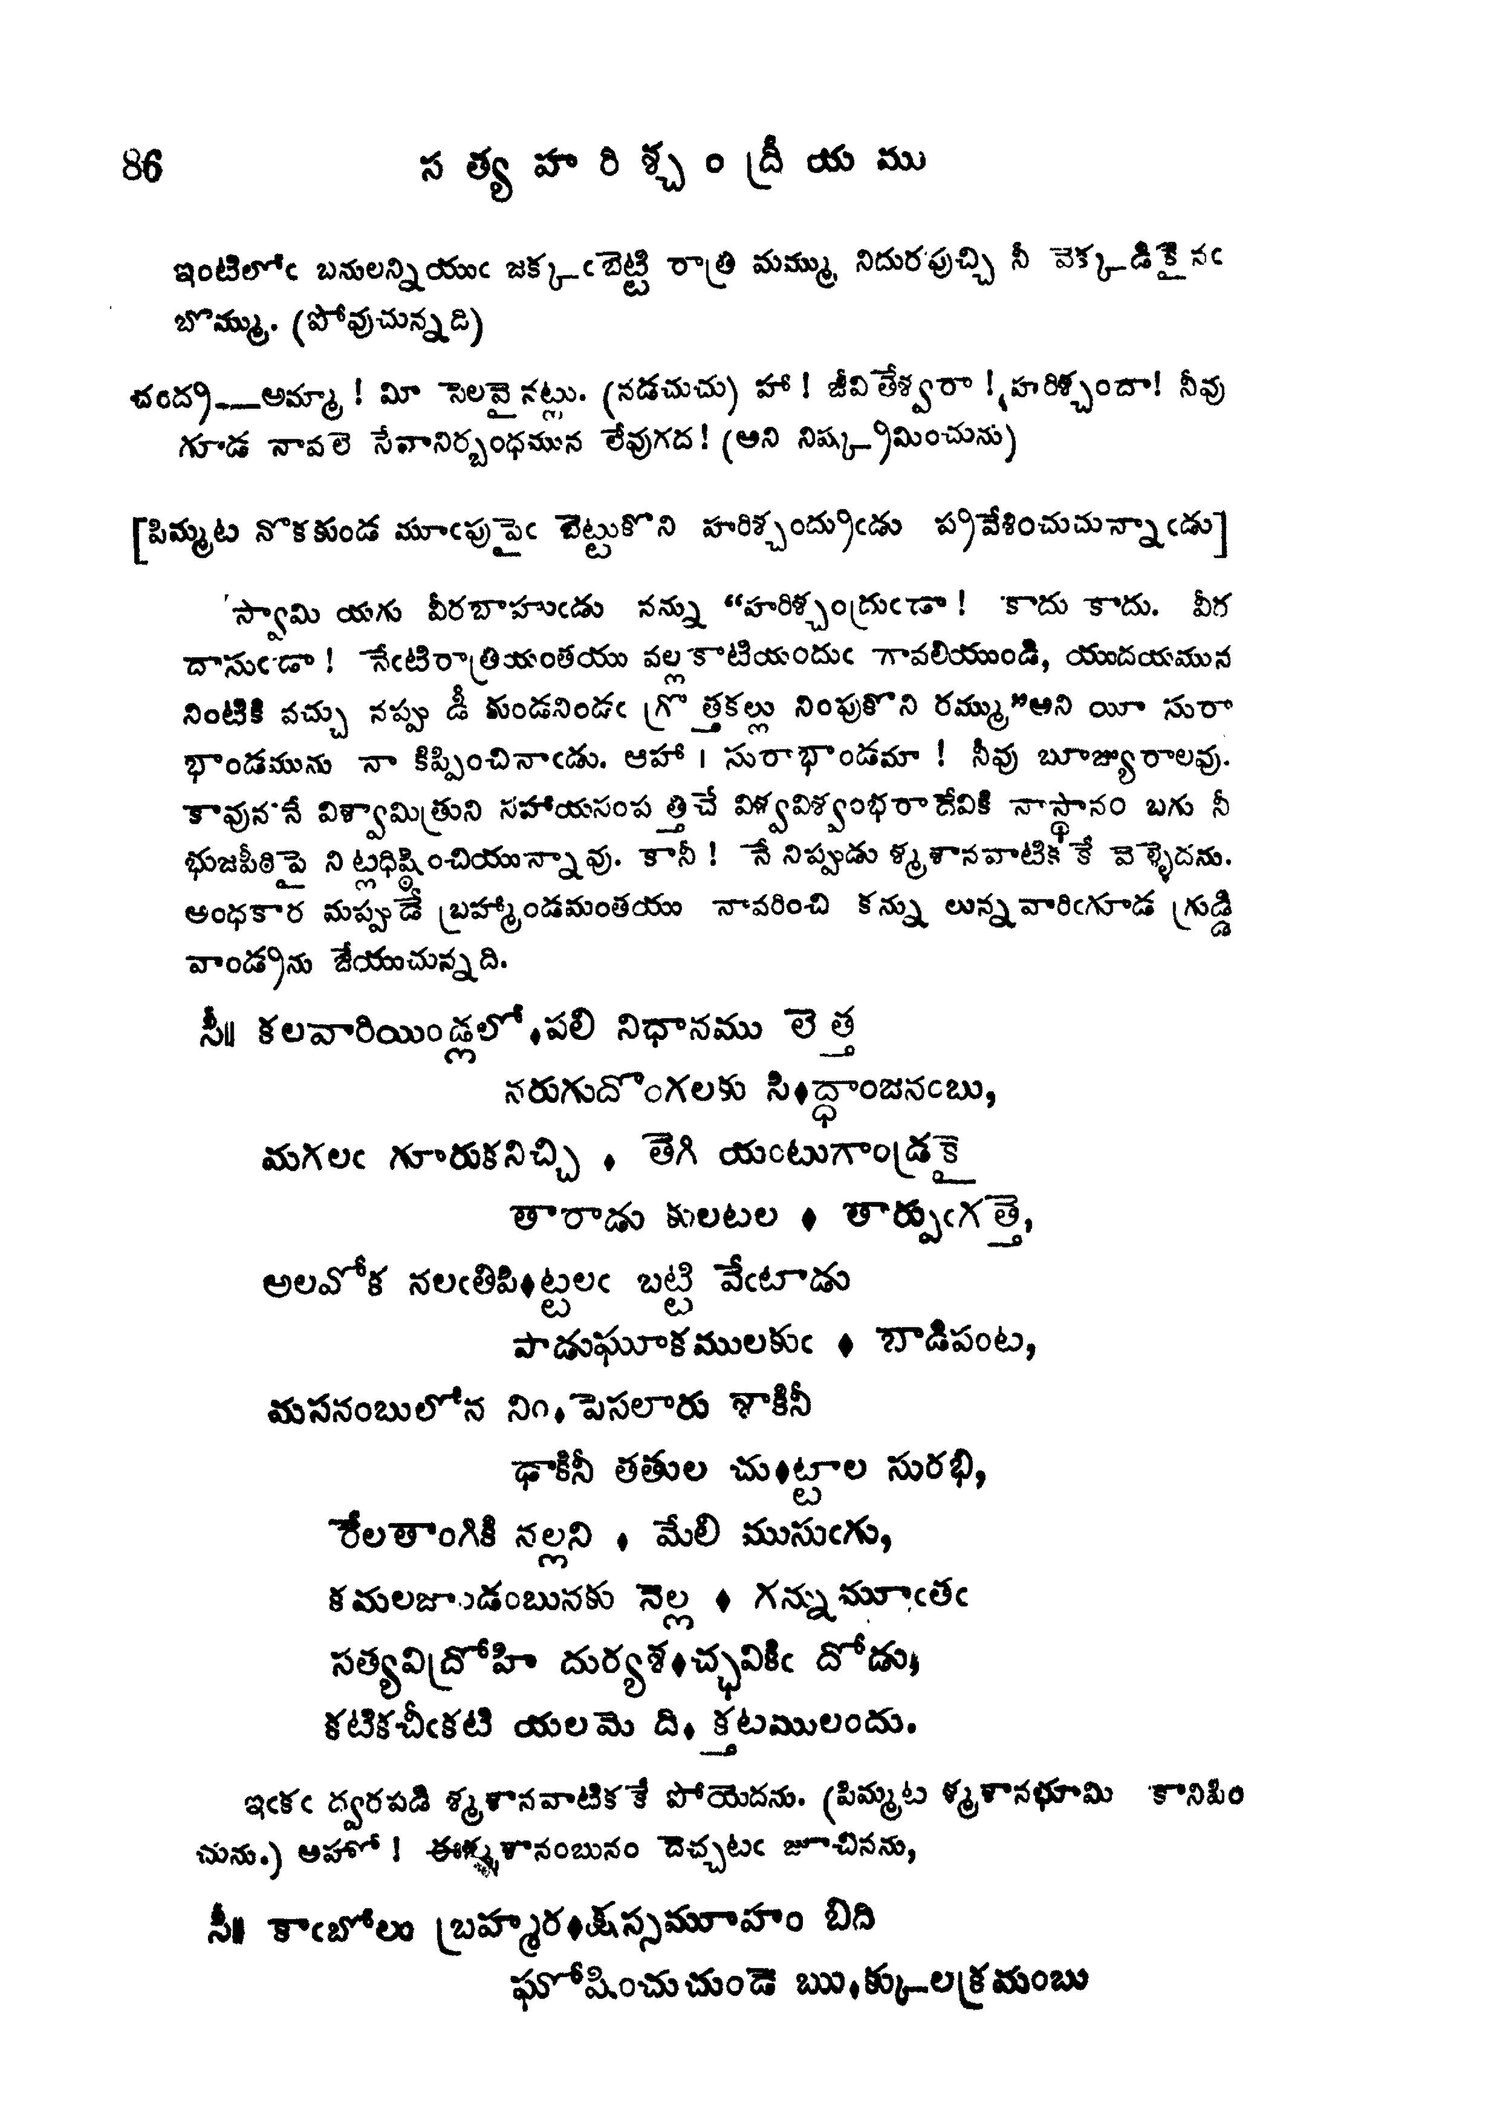ఇంటిలో బనులన్నియు జక్కబెట్టి రాత్రి మమ్ము నిదురపుచ్చి నీ వెక్కడికైనఁ బొమ్ము. (పోవుచున్నది)

చంద్ర - 	అమ్మా? నీ సెలవైనట్లే. (నడచుచు) హా! జీవితేశ్వరా హరిశ్చంద్రా! నీవుగూడ సేవా నిర్బంధమున లేవుగద! (అని నిష్క్రమించును)

(పిమ్మట నొక కుండ మూపుపై బెట్టుకొని హరిశ్చంద్రుడు ప్రవేశించి)

స్వామి యగు వీరబాహుడు నన్ను "హరిశ్చంద్రుడా! కాదు, కాదు. వీరదాసుఁడా! నేటి రాత్రియందు వల్లకాటియందు గావలియుండి, యుదయమున నింటికి వచ్చుచున్నప్పుడీ కుండ నిండఁ గ్రొత్తకల్లు నింపుకొని రమ్ము" అని యీ సురాభాండమును నాకిప్పించినాడు. ఆహా, సురాభాండమా! నీవు పూజ్యురాలవు. కావుననే, విశ్వామిత్రుని సహాయసంపత్తిచే విశ్వవిశ్వంభరాదేవికి నాస్థానంబగు నా భుజపీఠిపై నిట్లధిష్టించి యున్నావు. కానీ, నేనిప్పుడు శ్మశానవాటికకే వెళ్ళెదను. అంధకారమప్పుడే బ్రహ్మాండ మంతయు నావరించి కన్నులున్నవారిని గూడ గ్రుడ్డివాండ్రను జేయుచున్నది.

సీ. 	కలవారి యిండ్లలోపలి విధానము లెత్త
 నరుగు దొంగలకు సిద్ధాంజనంబు
మగలఁ గూరుకనిచ్చి తెగి యంటుగాండ్రకై
 తారాడు కులటల తార్పుగత్తె
అలవోక నలతి పిట్టలఁ బట్టి వేఁటాడు
 పాడు మూకములకుఁ బాడి పంట
మసనంబులోన నింపెసలారు శాకినీ
 ఢాకినీ తతుల చుట్టాల సురభి
 	
 రేలతాంగికి నల్లని మేలి ముసుఁగు
 కమలజాండంబునకు నెల్ల గన్నుమూత
 సత్యవిద్రోహి దుర్యశశ్ఛవికిఁ దోడు
 కటికచీకటి యలమె దిక్తటములందు

ఇంకఁ ద్వరపడి శ్మశాన వాటికకే పోయెదను. (పిమ్మట శ్మశాన భూమి కాన్పించును) అహో! ఈ శ్మశానంబునం దెచ్చటఁ జూచినను,

సీ. 	కాఁబోలు బ్రహ్మరక్షస్సమూహం బిది
 ఘోషించుచుండె ఋక్కుల క్రమంబు